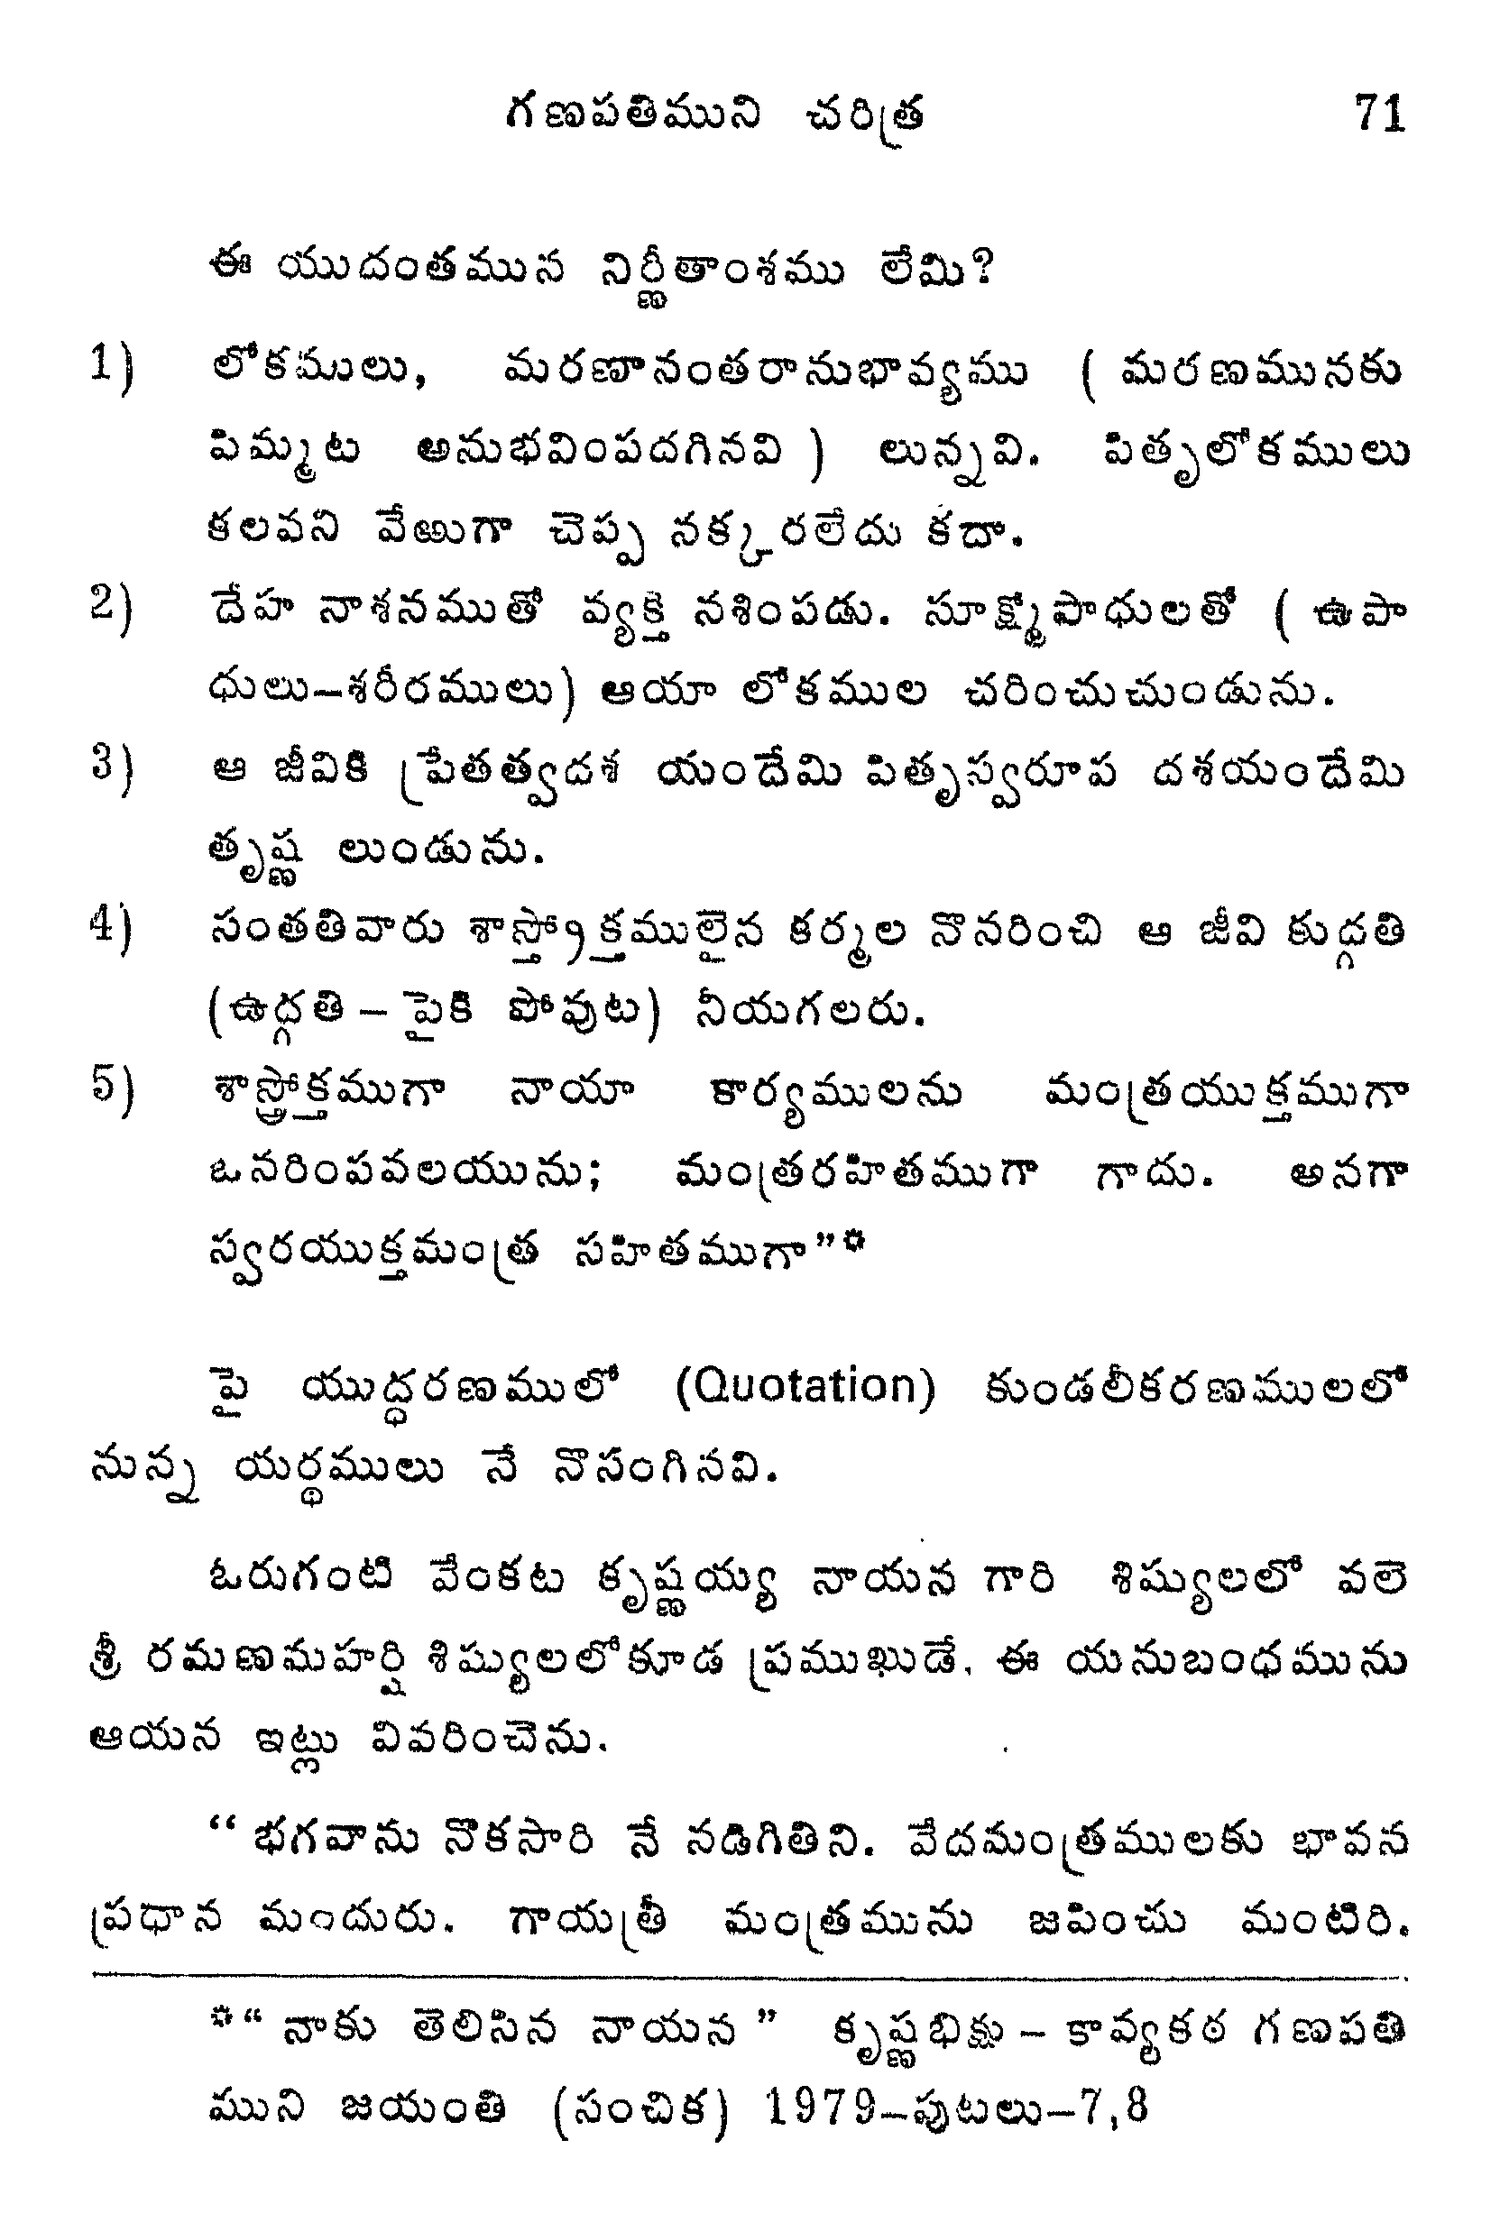ఈ యుదంతమున నిర్ణీతాంశము లేమి?

1) లోకములు, మరణానంతరానుభావ్యము (మరణమునకు పిమ్మట అనుభవింపదగినవి) లున్నవి. పితృలోకములు కలవని వేఱుగా చెప్ప నక్కరలేదు కదా.

2) దేహ నాశనముతో వ్యక్తి నశింపడు. సూక్ష్మోపాధులతో (ఉపాధులు - శరీరములు) ఆయా లోకముల చరించుచుండును.

3) ఆ జీవికి ప్రేతత్వదశ యందేమి పితృస్వరూప దశయందేమి తృష్ణ లుండును.

4) సంతతివారు శాస్త్రోక్తములైన కర్మల నొనరించి ఆ జీవి కుద్గతి (ఉద్గతి - పైకి పోవుట) నీయగలరు.

5) శాస్త్రోక్తముగా నాయా కార్యములను మంత్రయుక్తముగా ఒనరింపవలయును; మంత్రరహితముగా గాదు. అనగా స్వరయుక్తమంత్ర సహితముగా"

పై యుద్దరణములో (Quotation) కుండలీకరణములలో నున్న యర్థములు నే నొసంగినవి.

ఓరుగంటి వేంకట కృష్ణయ్య నాయన గారి శిష్యులలో వలె శ్రీ రమణమహర్షి శిష్యులలోకూడ ప్రముఖుడే. ఈ యనుబంధమును ఆయన ఇట్లు వివరించెను.

"భగవాను నొకసారి నే నడిగితిని. వేదమంత్రములకు భావన ప్రధాన మందురు. గాయత్రీ మంత్రమును జపించు మంటిరి.